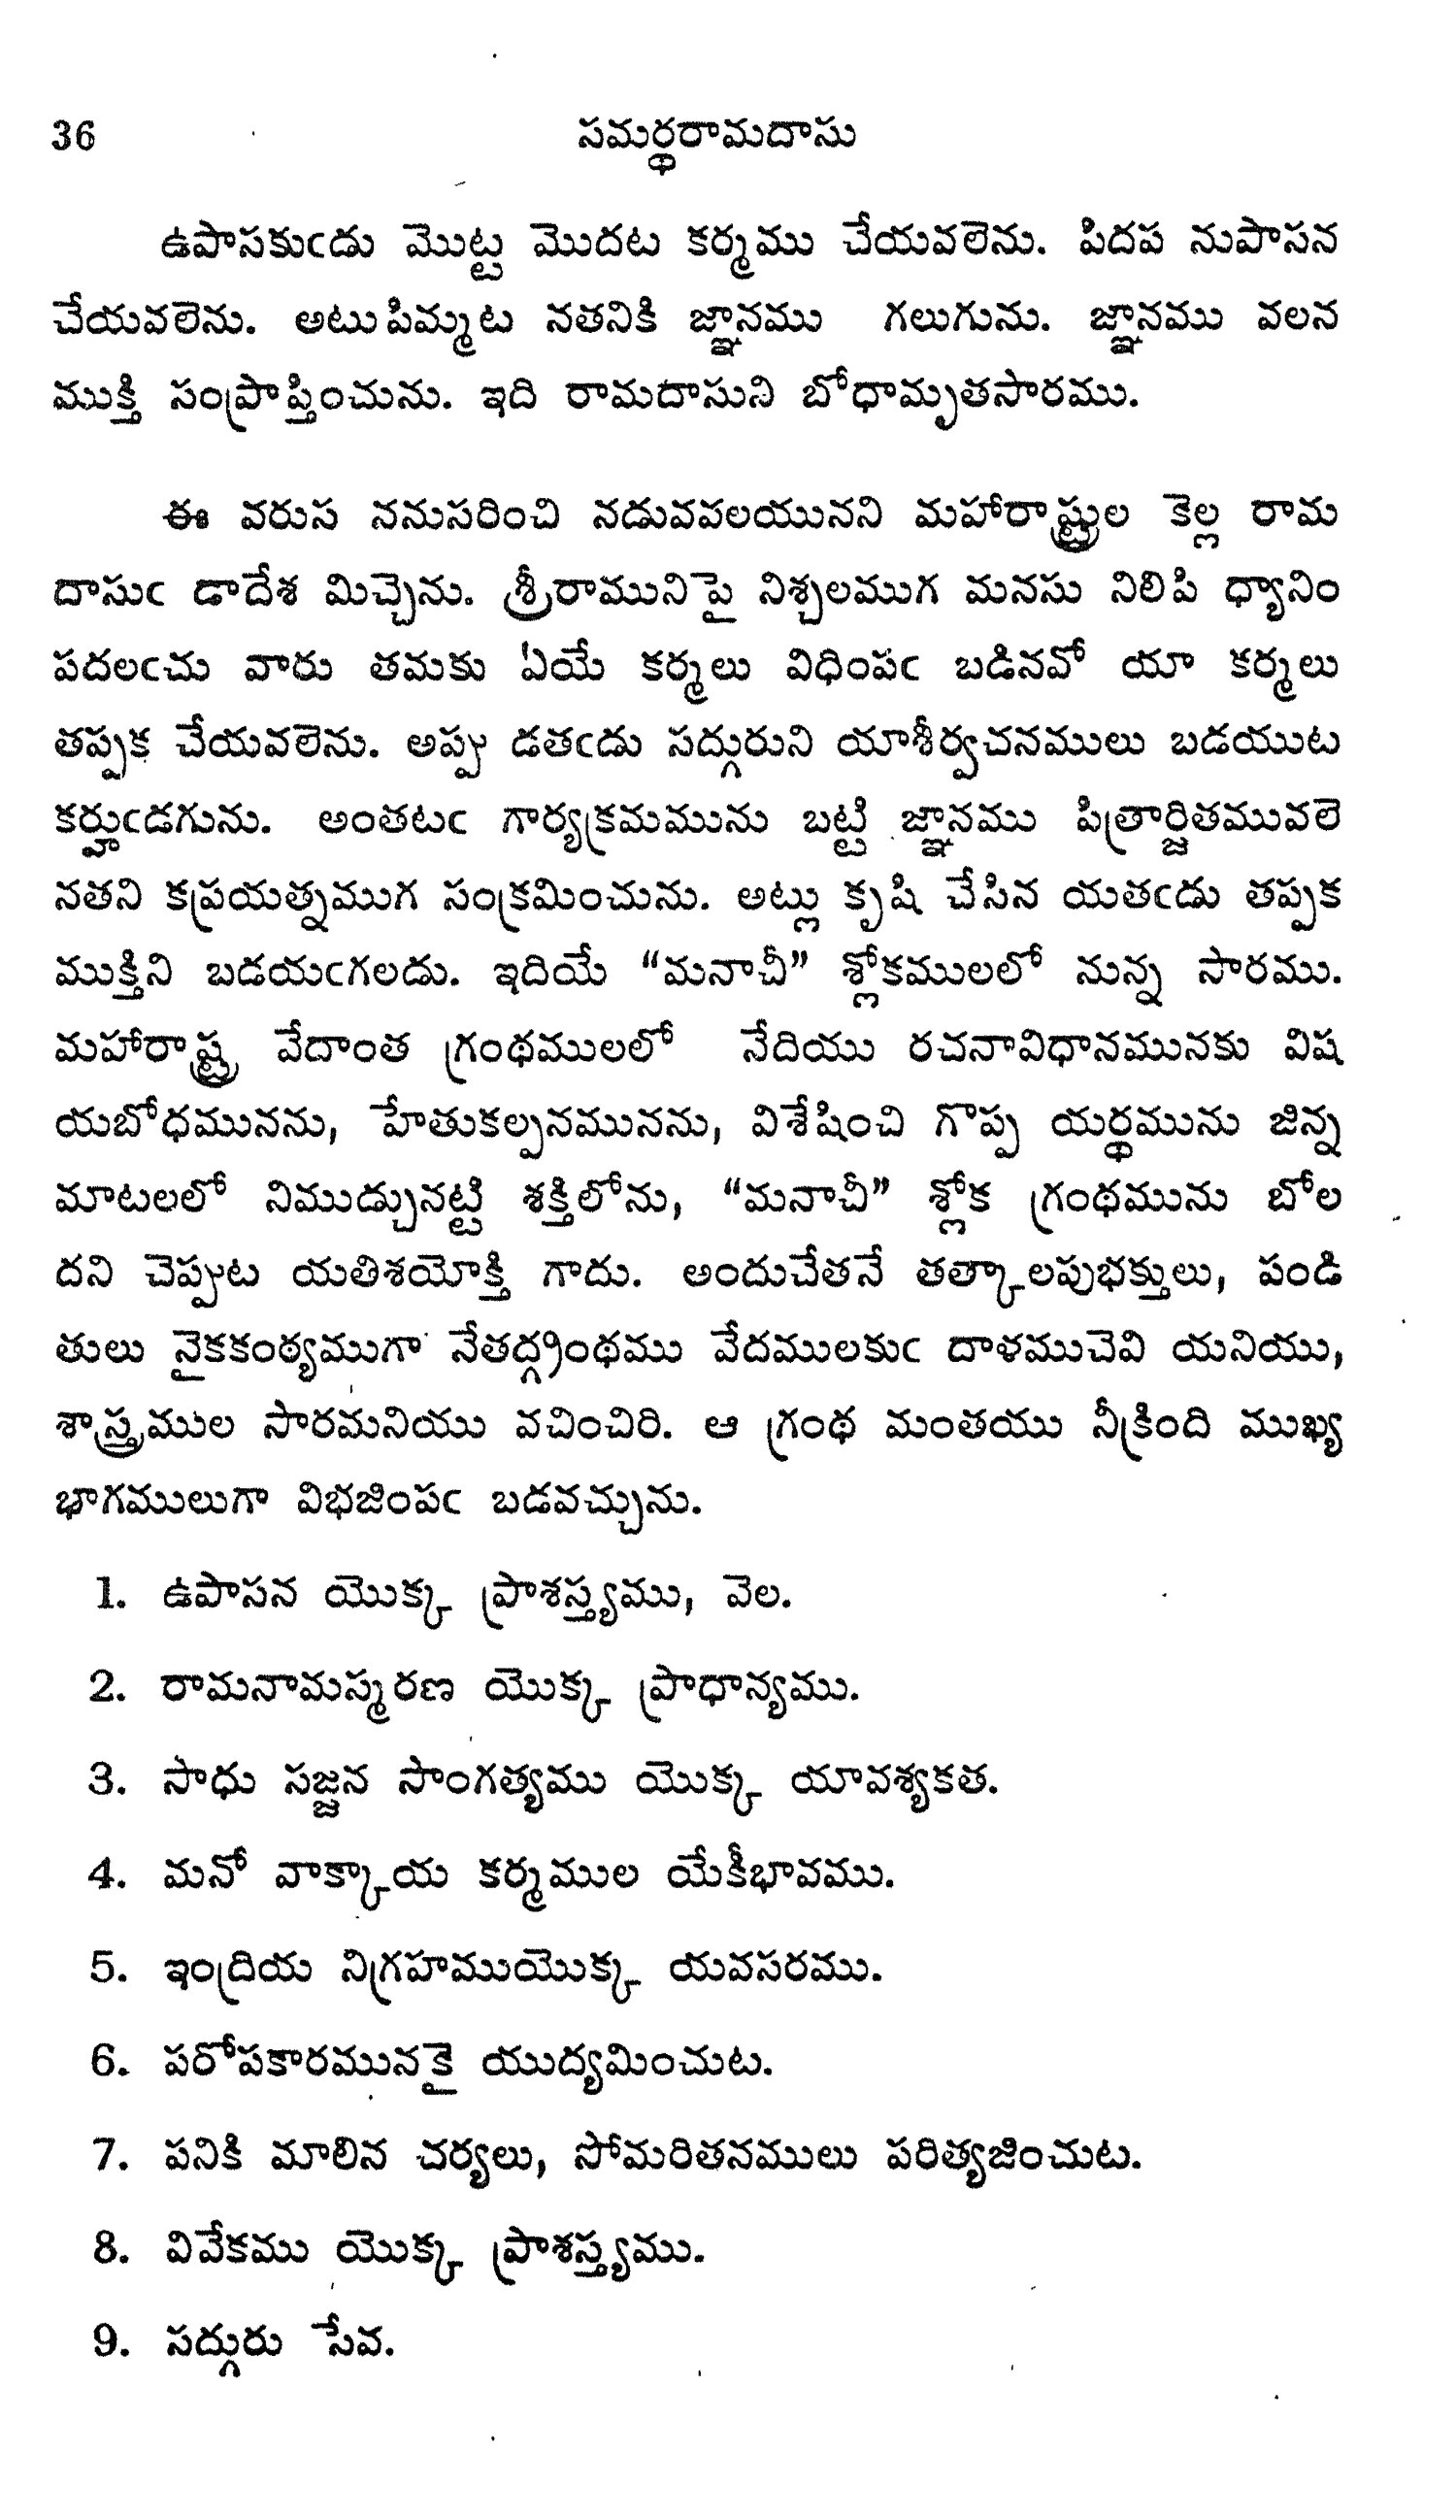ఉపాసకుడు మొట్ట మొదట కర్మము చేయవలెను. పిదప నుపాసన చేయవలెను. అటుపిమ్మట నతనికి జ్ఞానము గలుగును. జ్ఞానము వలన ముక్తి సంప్రాప్తించును. ఇది రామదాసుని బోధామృతసారము.

ఈ వరుస ననుసరించి నడువవలయునని మహారాష్ట్రుల కెల్ల రామదాసు డాదేశ మిచ్చెను. శ్రీరామునిపై నిశ్చలముగ మనసు నిలిపి ధ్యానింపదలచు వారు తమకు ఏయే కర్మలు విధింప బడినవో యా కర్మలు తప్పక చేయవలెను. అప్పు డతడు సద్గురుని యాశీర్వచనములు బడయుట కర్హుడగును. అంతట గార్యక్రమమును బట్టి జ్ఞానము పిత్రార్జితమువలె నతని కప్రయత్నముగ సంక్రమించును. అట్లు కృషి చేసిన యతడు తప్పక ముక్తిని బడయగలడు. ఇదియే "మనాచీ" శ్లోకములలో నున్న సారము. మహారాష్ట్ర వేదాంత గ్రంథములలో నేదియు రచనావిధానమునకు విషయబోధమునను, హేతుకల్పనమునను, విశేషించి గొప్ప యర్థమును జిన్న మాటలతో నిముడ్చునట్టి శక్తిలోను, "మనాచీ" శ్లోక గ్రంథమును బోలదని చెప్పుట యతిశయోక్తి గాదు. అందుచేతనే తత్కాలపుభక్తులు, పండితులు నైకకంఠ్యముగా నేతద్గ్రంథము వేదములకు దాళముచెవి యనియు, శాస్త్రముల సారమనియు వచించిరి. ఆ గ్రంథ మంతయు నీక్రింది ముఖ్యభాగములుగా విభజింప బడవచ్చును.

1. ఉపాసన యొక్క ప్రాశస్త్యము, వెల.

2. రామనామస్మరణ యొక్క ప్రాధాన్యము.

3. సాధు సజ్జన సాంగత్యము యొక్క యావశ్యకత.

4. మనో వాక్కాయ కర్మముల యేకీభావము.

5. ఇంద్రియ నిగ్రహముయొక్క యవసరము.

6. పరోపకారమునకై యుద్యమించుట.

7. పనికి మాలిన చర్యలు, సోమరితనములు పరిత్యజించుట.

8. వివేకము యొక్క ప్రాశస్త్యము.

9. సద్గురు సేవ.